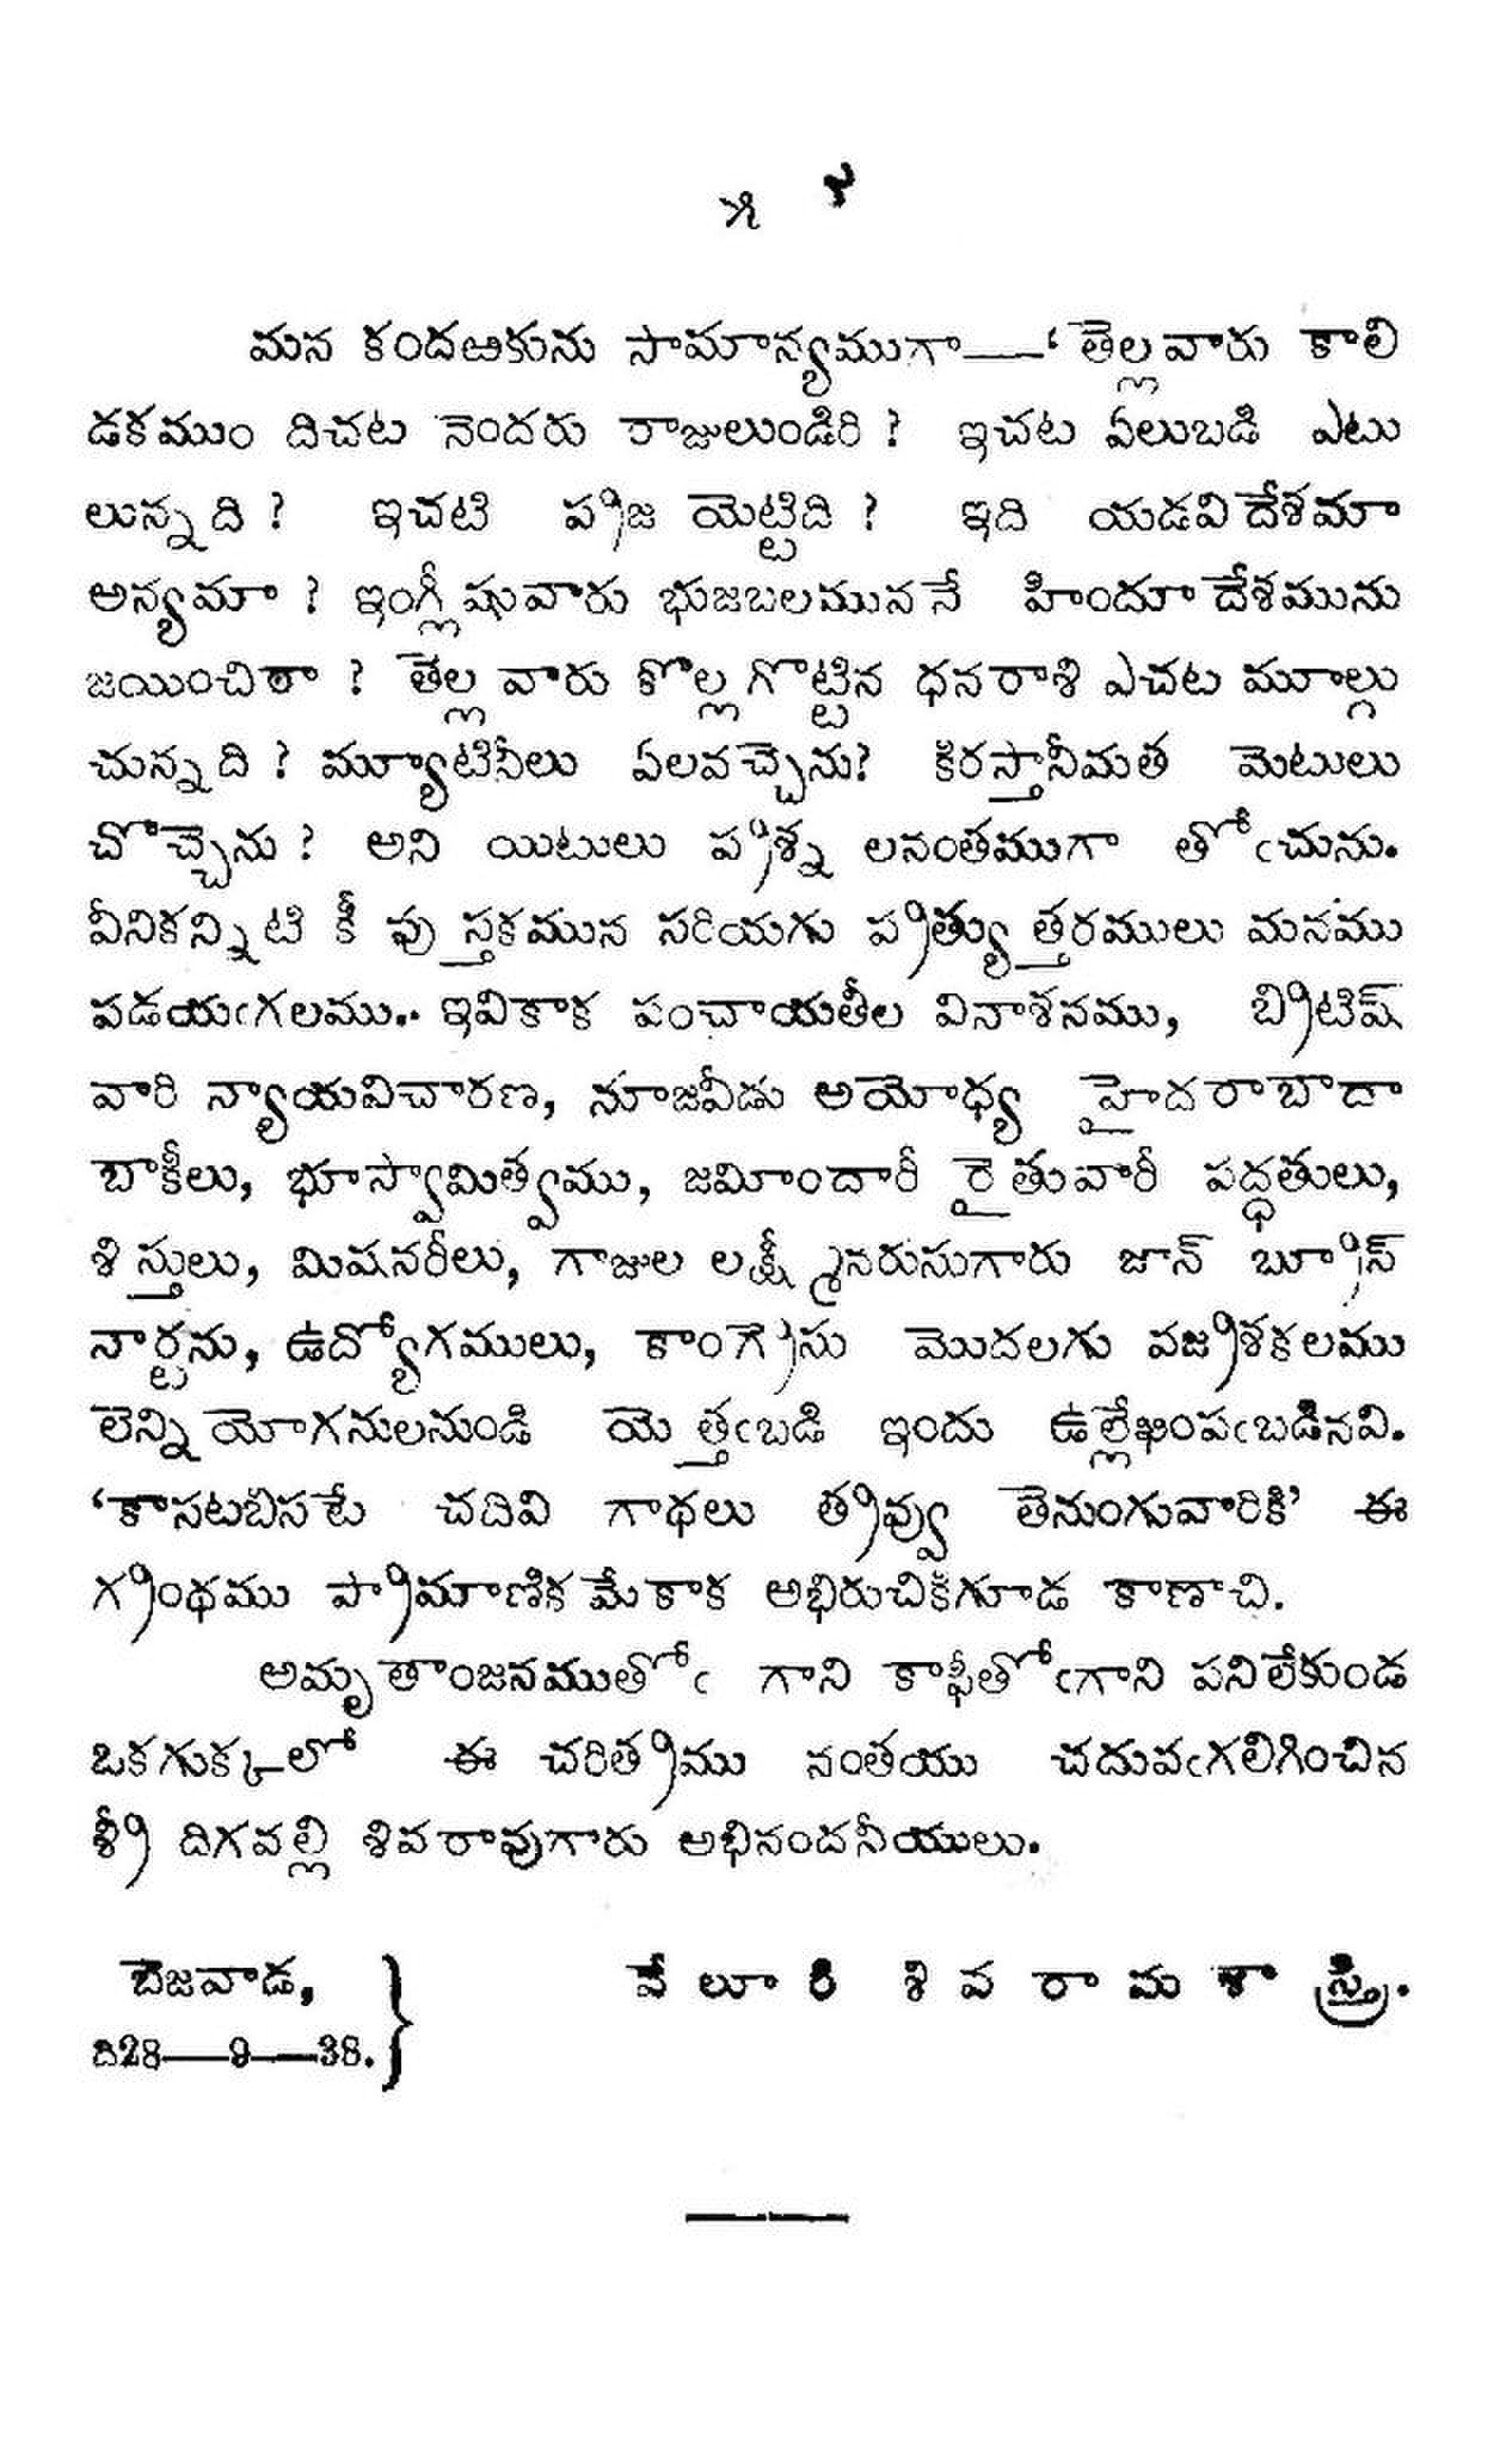మన కందఱకును సామాన్యముగా - తెల్లవారు కాలిడకముం దిచట నెందరు రాజులుండిరి? ఇచట ఏలుబడి ఎటులున్నది . ఇచటి ప్రజ యెట్టిది? ఇది యడవి దేశమా అన్యమా? ఇంగ్లీషువారు భుజబలముననే హిందూదేశమును జయించిరా ? తెల్లవారు కొల్లగొట్టిన ధనరాశి ఎచట మూల్గుచున్నది? మ్యూటినీలు ఏలవచ్చెను? కిరస్తానీమత మెటులు చొచ్చెను? అని యిటులు ప్రశ్న లనంతముగా తోఁచును. వీనికన్నిటి కీ పుస్తకమున సరియగు ప్రత్యుత్తరములు మనము పడయఁగలము.. ఇవికాక పంచాయతీల వినాశనము, బ్రిటిష్ వారి న్యాయవిచారణ, నూజవీడు అయోధ్య హైదరాబాదా బాకీలు, భూస్వామిత్వము, జమీందారీ రైతువారీ పద్దతులు, శిస్తులు, మిషనరీలు, గాజుల లక్ష్మీనరుసుగారు జాన్ బ్రూస్ నార్టను, ఉద్యోగములు, కాంగ్రెసు మొదలగు వజ్రశకలము లెన్నియోగనులనుండి యెత్తఁబడి ఇందు ఉల్లేఖింపఁబడినవి. 'కాసటబిసటే చదివి గాథలు త్రవ్వు తెనుంగువారికి' ఈ గ్రంథము ప్రామాణిక మేకాక అభిరుచికి గూడ కాణాచి. .

అమృతాంజనముతోఁ గాని కాఫీతోఁగాని పనిలేకుండ ఒకగుక్కలో ఈ చరిత్రము నంతయు చదువఁగలిగించిన శ్రీ దిగవల్లి శివరావుగారు అభినందనీయులు.

బెజవాడ,

ది 28 - 9 - 38.